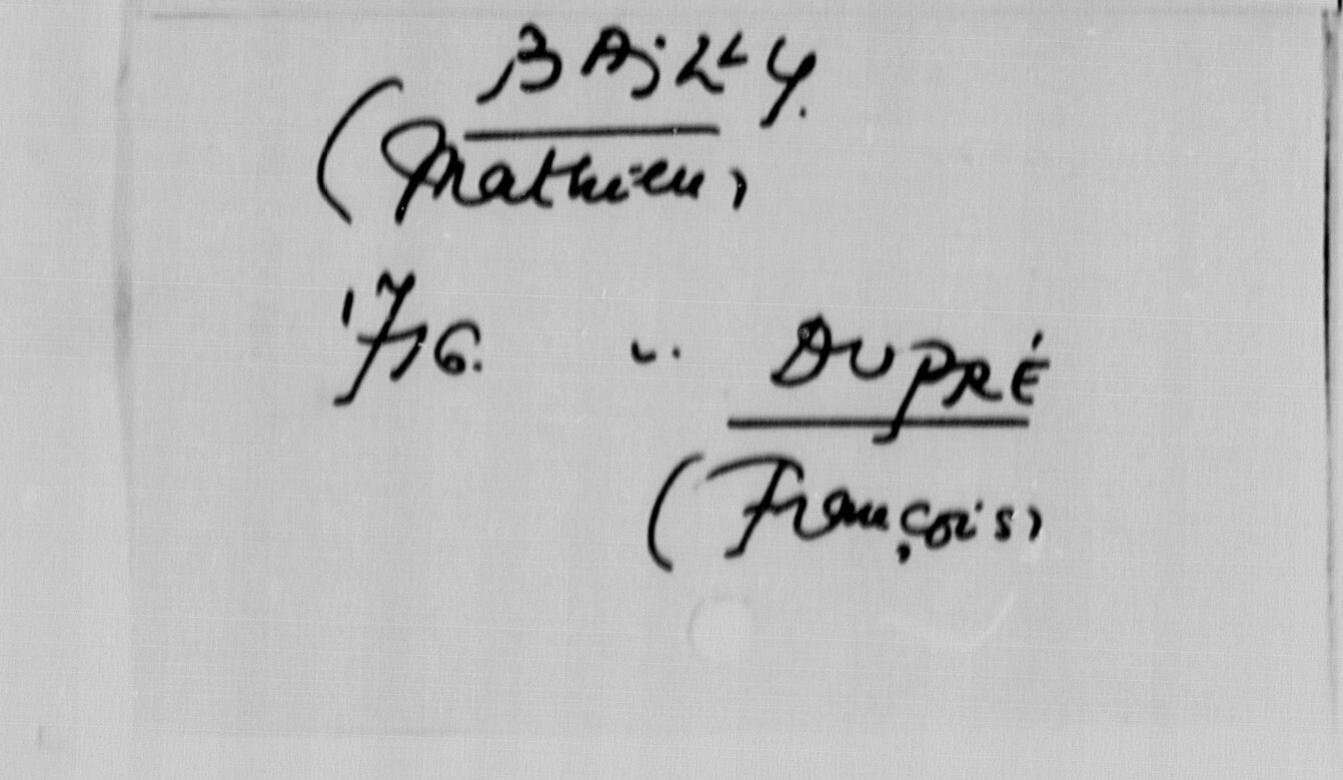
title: BAILLY (Mathieu)
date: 1716
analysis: Voir Dupré (François)
